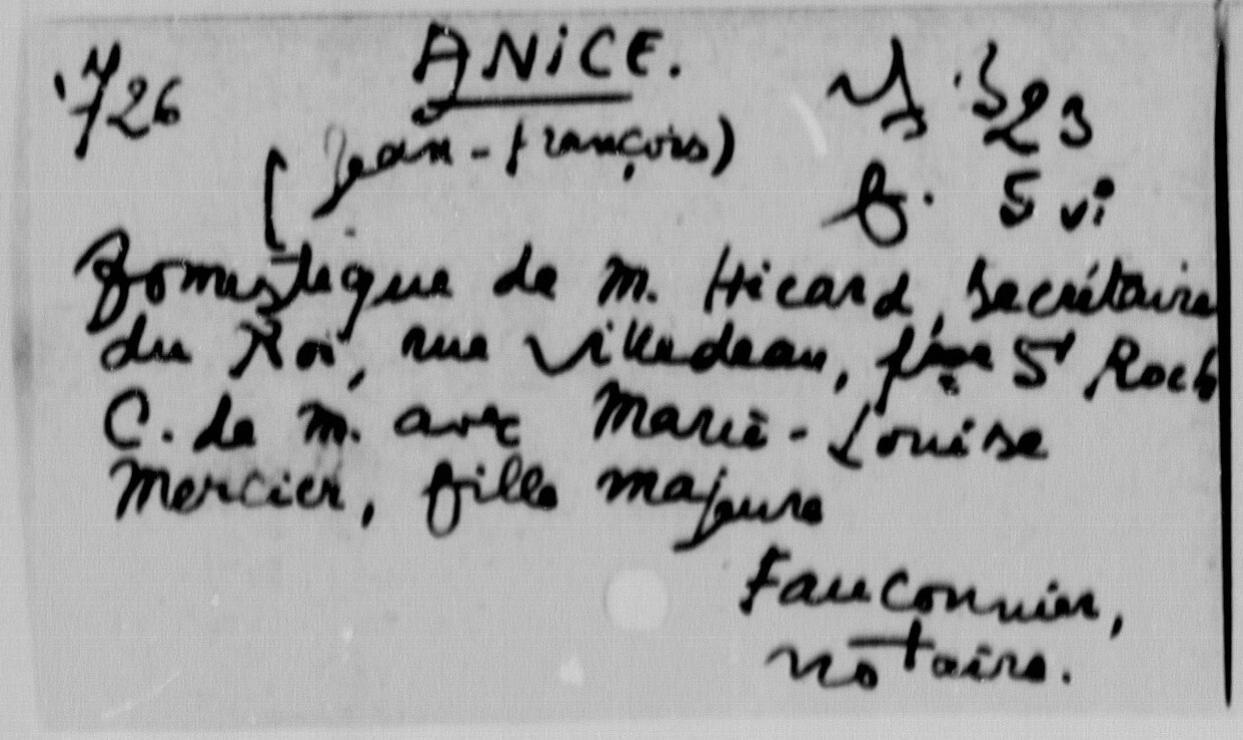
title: ANICE (Jean-François)
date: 1726
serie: Y
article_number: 323
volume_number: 5v
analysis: Domestique de M. Hicard, secrétaire du Roi, rue Villedeau, paroisse Saint-Roch. Contrat de mariage avec Marie-Louise MERCIER, fille majeure. Fauconnier, notaire.
